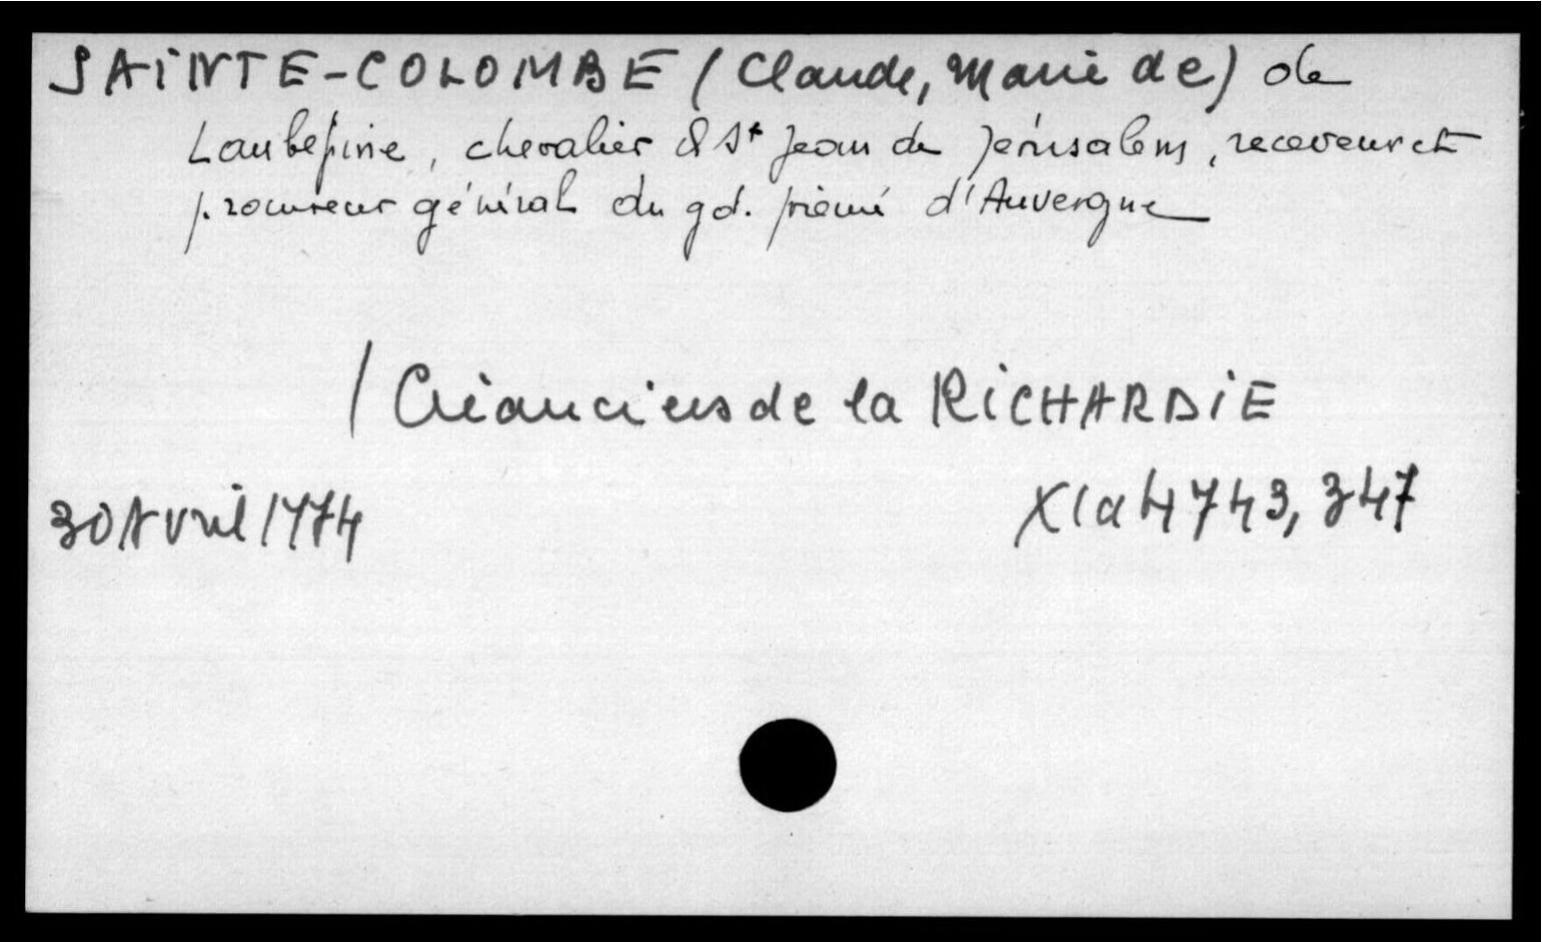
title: SAINTE-COLOMBE (Claude, Marie de) de Laubepine, chevalier de Saint-Jean de Jérusalem,, receveur et procureur général du grand prieuré d'Auvergne
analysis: Contre Créanciers de la RICHARDIE
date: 30 avril 1774
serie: X1a
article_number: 4743
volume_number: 347
